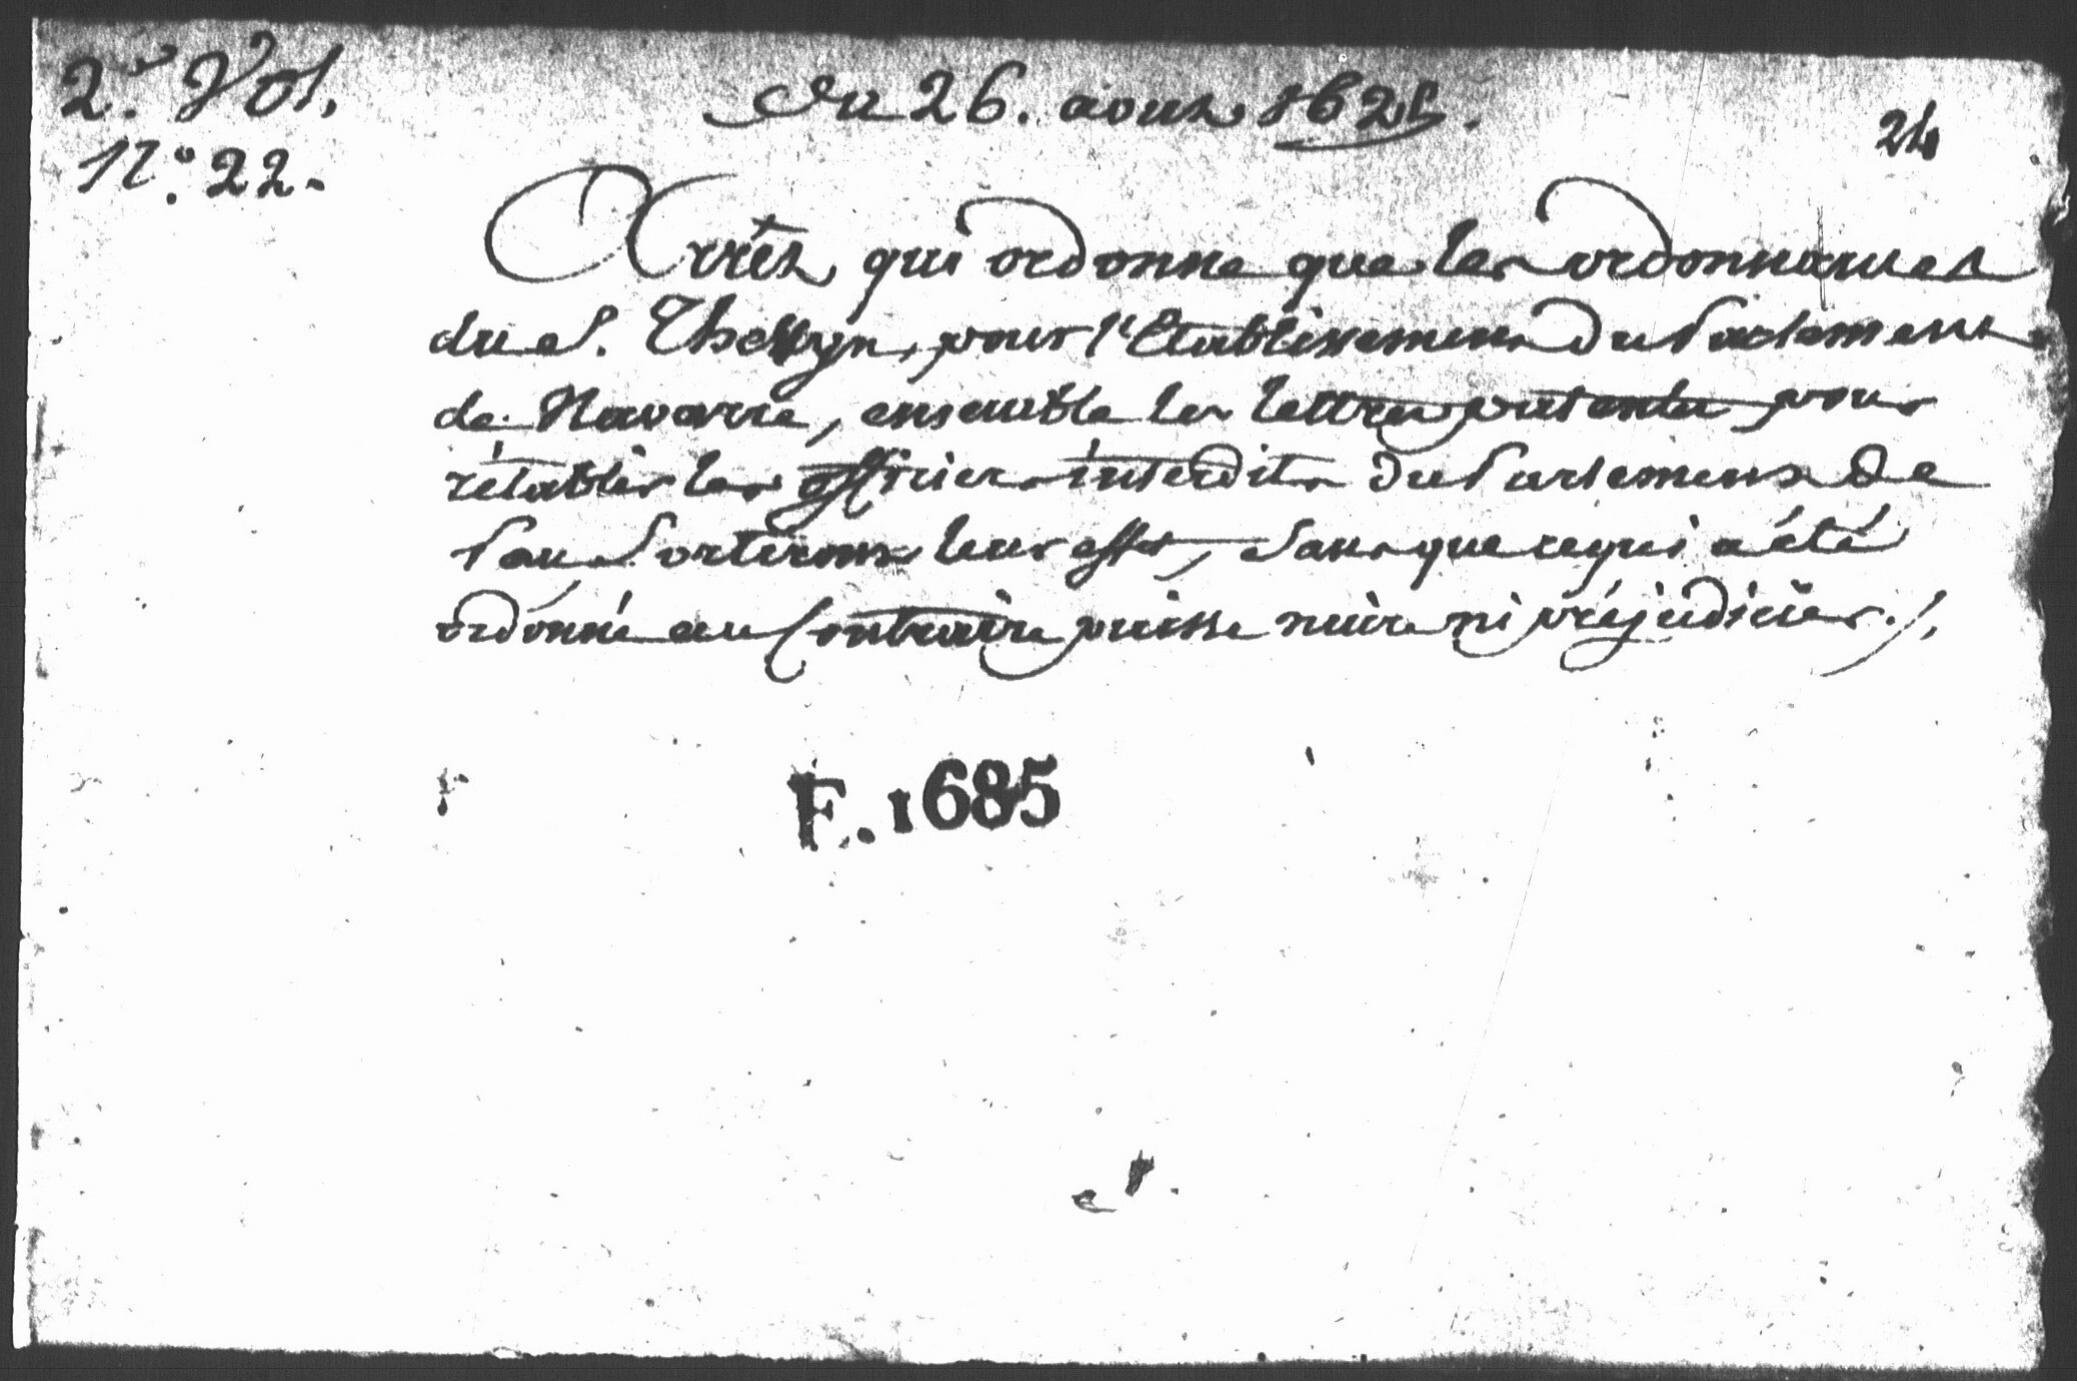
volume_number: n°22
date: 26 août 1625
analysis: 24
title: Arrêt qui ordonne que les ordonnances du S. Thevyn, pour l'etablissement du parlement de Navarre, ensemble les lettres patentes pour rétablir les officiers interdits du parlement de Pau sortiront leur effet, sans que ce qui a été ordonné au contraire puisse nuire ni préjudicier
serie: E
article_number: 1685
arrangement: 2e vol.
